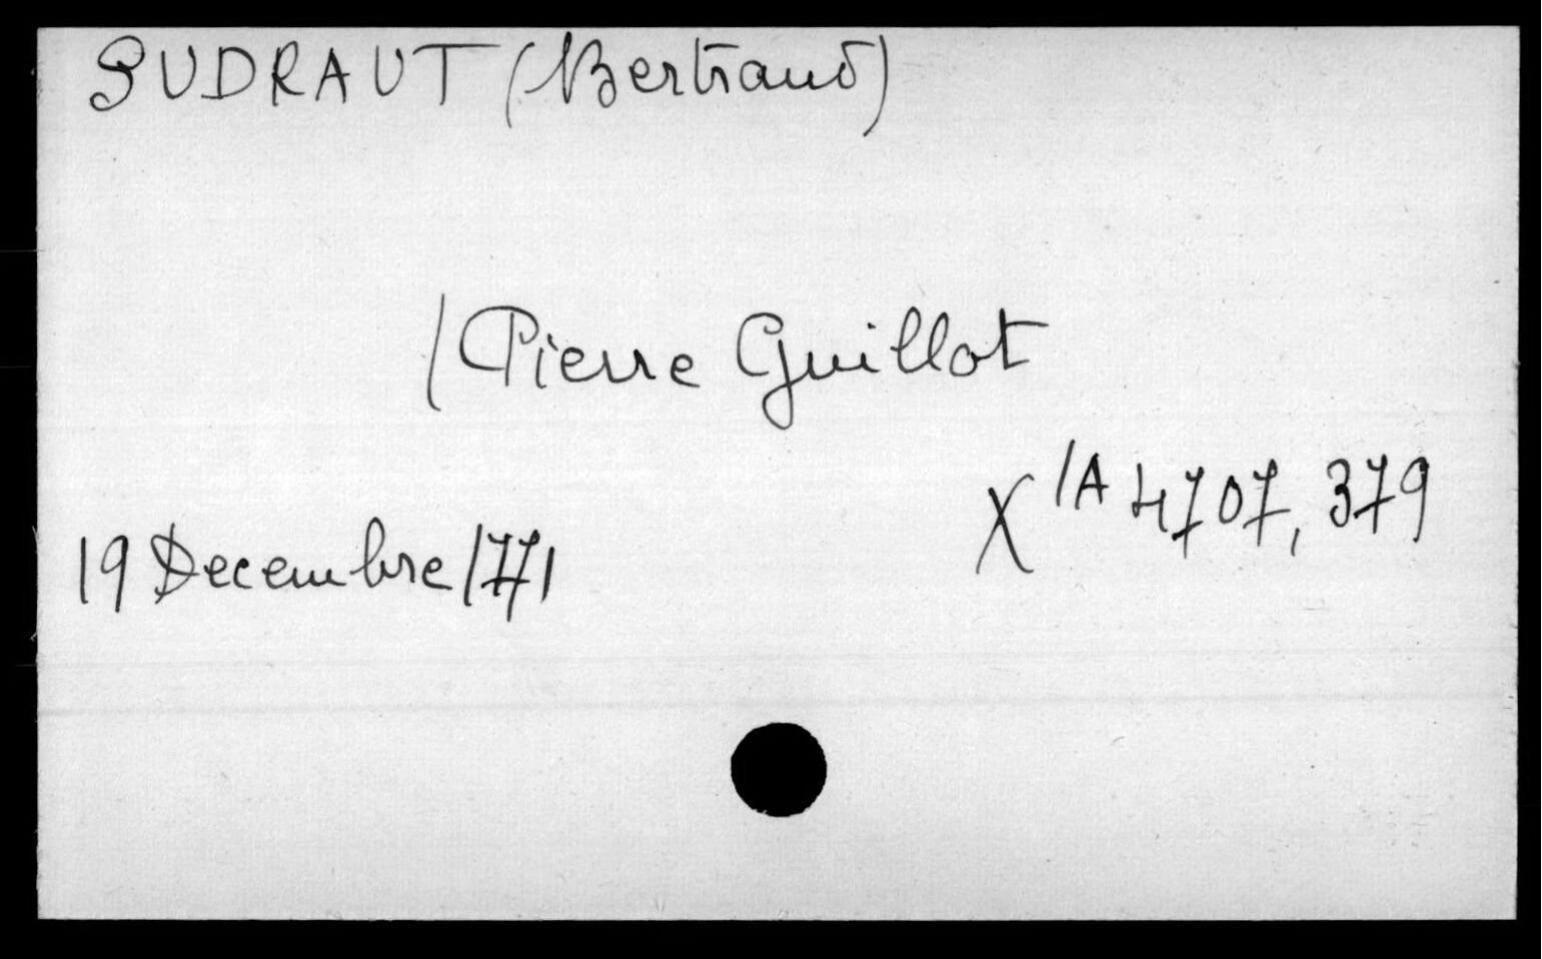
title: SUDRAUT (Bertrand)
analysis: Contre Pierre Guillot
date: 19 décembre 1771
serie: X1A
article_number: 4707
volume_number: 379
